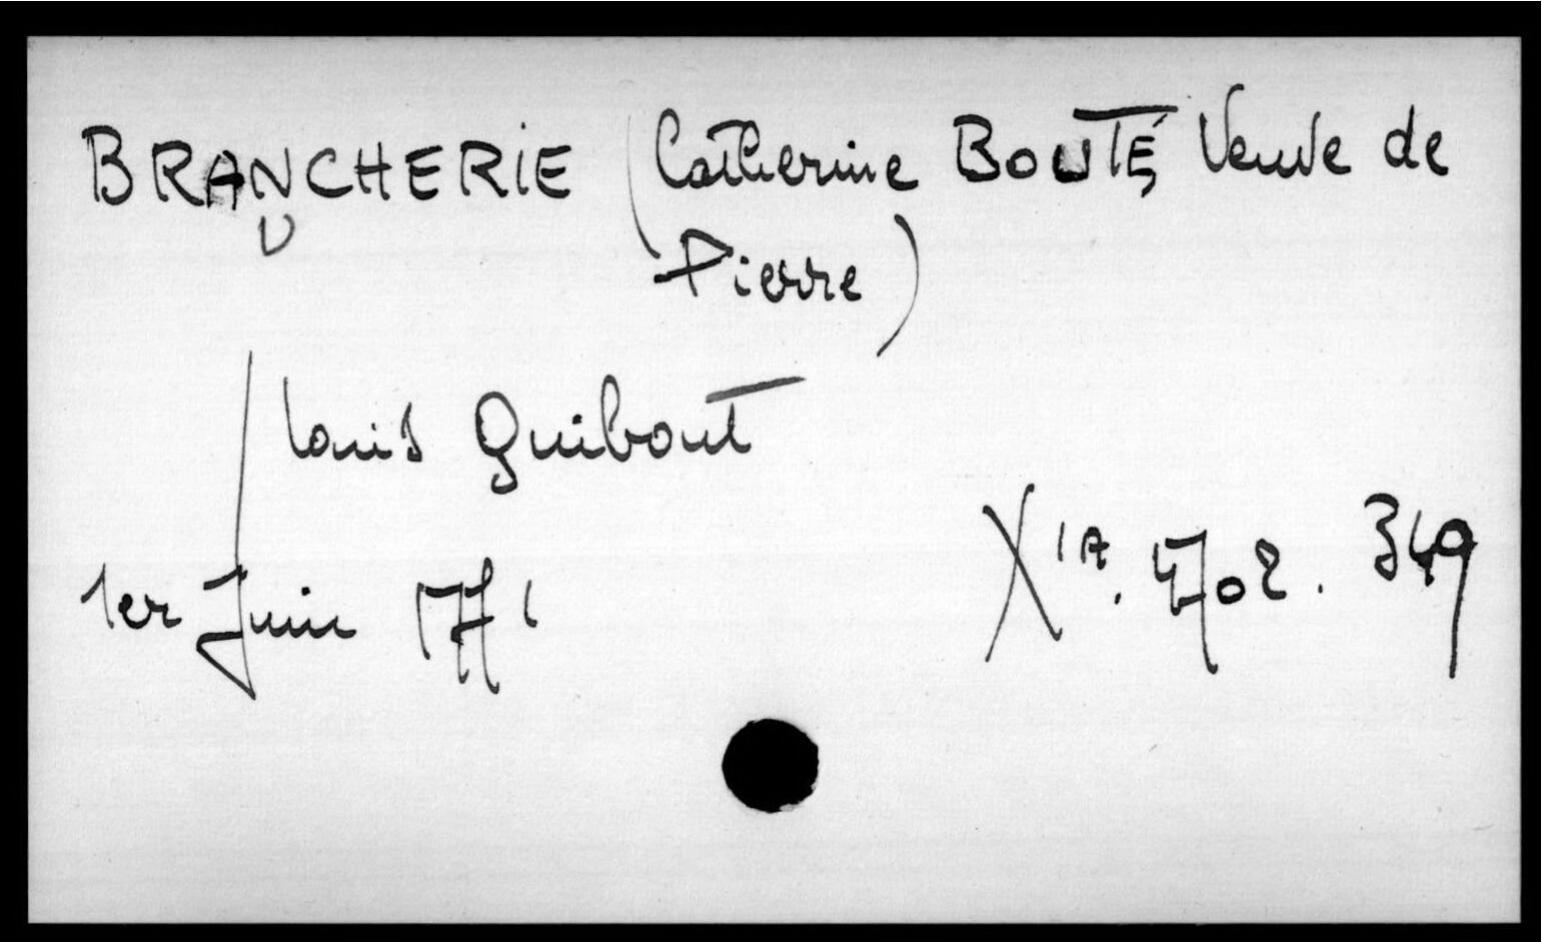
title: BRANCHERIE (Catherine BOUTÉ Veuve de Pierre)
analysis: Contre Louis Quibout
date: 1 juin 1771
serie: X1A
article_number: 4702
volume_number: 349
